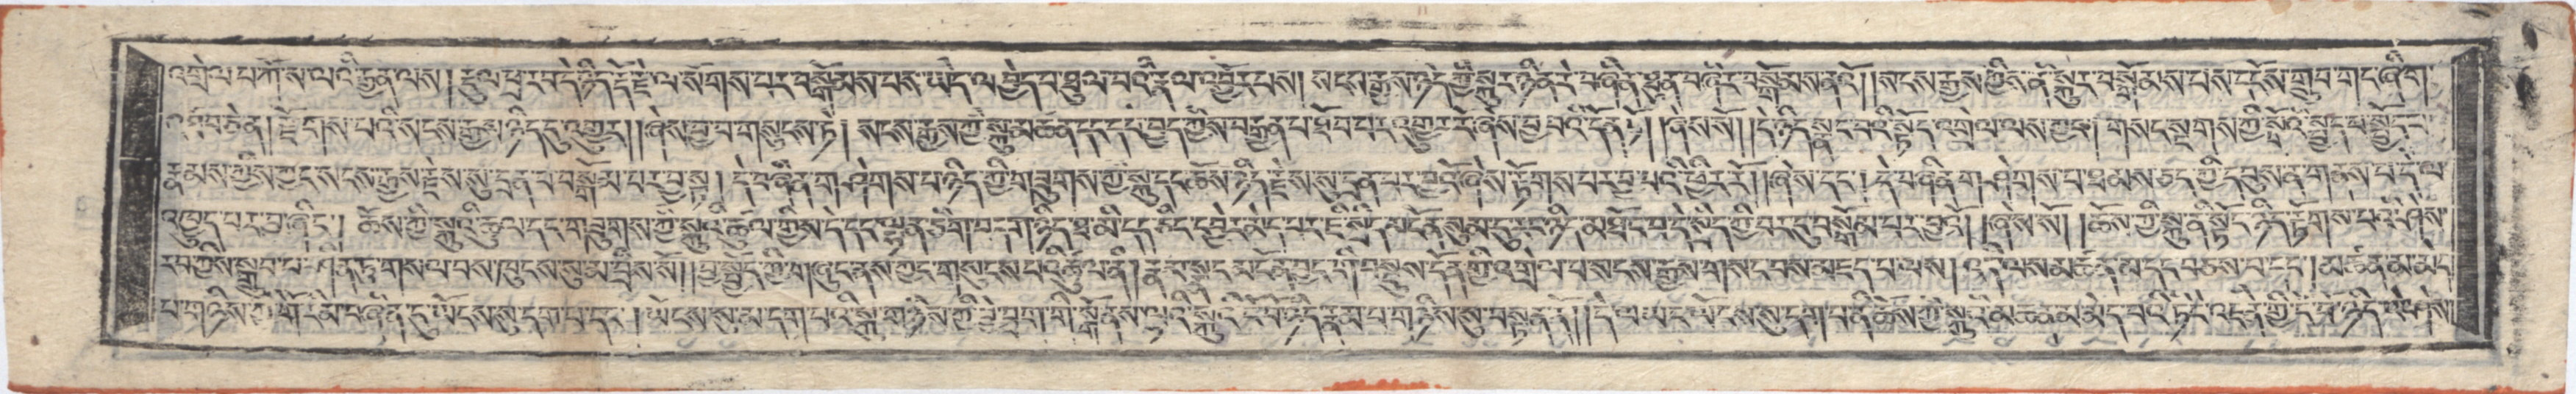འགྲེལ་པ་ཀོ་ས་ལའི་རྒྱན་ལས། རྡུལ་ཕྲ་རབ་དེ་ཉིད་རྡོ་རྗེ་ལ་སོགས་པར་བསྒོམས་པས་ཡིད་ལ་བྱེད་པ་ཐུལ་བའི་རྣལ་འབྱོར་པས། སངས་རྒྱས་ཉིད་ཀྱི་སྐུར་ཉིན་རེ་བཞིན་ཐུན་བཞིར་བསྒོམས་ནའོ། །སངས་རྒྱས་ཀྱིས་ནི་སྐུར་བསྒོམས་པས་དངོས་གྲུབ་གང་ཞིག་
འཐོབ་ཅེ་ན། རྫོགས་པའི་སངས་རྒྱས་ཉིད་དུ་འགྱུར། །ཞེས་བྱ་བ་གསུངས་ཏེ། སངས་རྒྱས་ཀྱི་སྐུ་མཚན་དང་དཔེ་བྱད་ཀྱིས་བརྒྱན་པ་ཐོབ་པར་འགྱུར་རོ་ཞེས་བྱ་བའི་དོན་ཏོ། །ཞེས་སོ། །དེ་ཉིད་སྣང་བའི་སྟོད་འགྲེལ་ལས་ཀྱང་། གསང་སྔགས་ཀྱི་སྒོའི་སྤྱད་པ་སྤྱོད་པ་
རྣམས་ཀྱིས་ཀྱང་སངས་རྒྱས་རྗེས་སུ་དྲན་པ་བསྒོམ་པར་བྱ་སྟེ། དེ་བཞིན་གཤེགས་པ་ཉིད་ཀྱི་གཟུགས་ཀྱི་སྐུ་དང་ཆོས་ཉིད་རྗེས་སུ་དྲན་པར་བྱའོ་ཞེས་རྟོགས་པར་བྱ་བའི་ཕྱིར་རོ། །ཞེས་དང་། དེ་བཞིན་གཤེགས་པ་ཐམས་ཅད་ཀྱི་དབུས་ན་གནས་པ་དེ་ལ་
འཁྱུད་པར་བྱ་ཞིང་། ཆོས་ཀྱི་སྐུའི་ཚུལ་དང་གཟུགས་ཀྱི་སྐུའི་ཚུལ་གྱིས་དེ་དང་ལྷན་ཅིག་བདག་ཉིད་ཐ་མི་དད་ཅིང་དབྱེར་མེད་པར་ཇི་སྲིད་མངོན་སུམ་དུ་རང་ཉིད་མཐོང་བ་དེ་སྲིད་ཀྱི་བར་དུ་བསྒོམ་པར་བྱའོ། །ཞེས་སོ། །ཆོས་ཀྱི་སྐུ་ནི་སྟོང་ཉིད་རྟོགས་པའི་ཤེས་
རབ་ཀྱིས་སྒྲུབ་པ་ཤིན་ཏུ་གསལ་བས་ཁུངས་སུ་མ་བྲིས་སོ། །བྱ་སྤྱོད་ཀྱི་གཞུང་ནས་ཀྱང་གསུངས་པའི་ཚུལ་ནི། རྣམ་སྣང་མངོན་བྱང་གི་བསྡུས་དོན་གྱི་འགྲེལ་པ་སངས་རྒྱས་གསང་བས་མཛད་པ་ལས། འདི་ལས་མཚན་མ་དང་བཅས་པ་དང་། མཚན་མ་མེད་
པ་གཉིས་ཀྱི་གོ་རིམ་བཞིན་དུ་ཡོངས་སུ་དག་པ་དང་། ཡོངས་སུ་མ་དག་པའི་སྐུ་གཉིས་ཀྱི་བྱེ་བྲག་གི་སྒོ་ནས་ལྷའི་སྐུའི་ངོ་བོ་ཉིད་རྣམ་པ་གཉིས་སུ་བསྟན་ནོ། །དེ་ལ་ཡང་ཡོངས་སུ་དག་པ་ནི་ཆོས་ཀྱི་སྐུའི་མཚན་མ་མེད་པའི་ཏིང་ངེ་འཛིན་གྱི་ངོ་བོ་ཉིད་ཡེ་ཤེས།